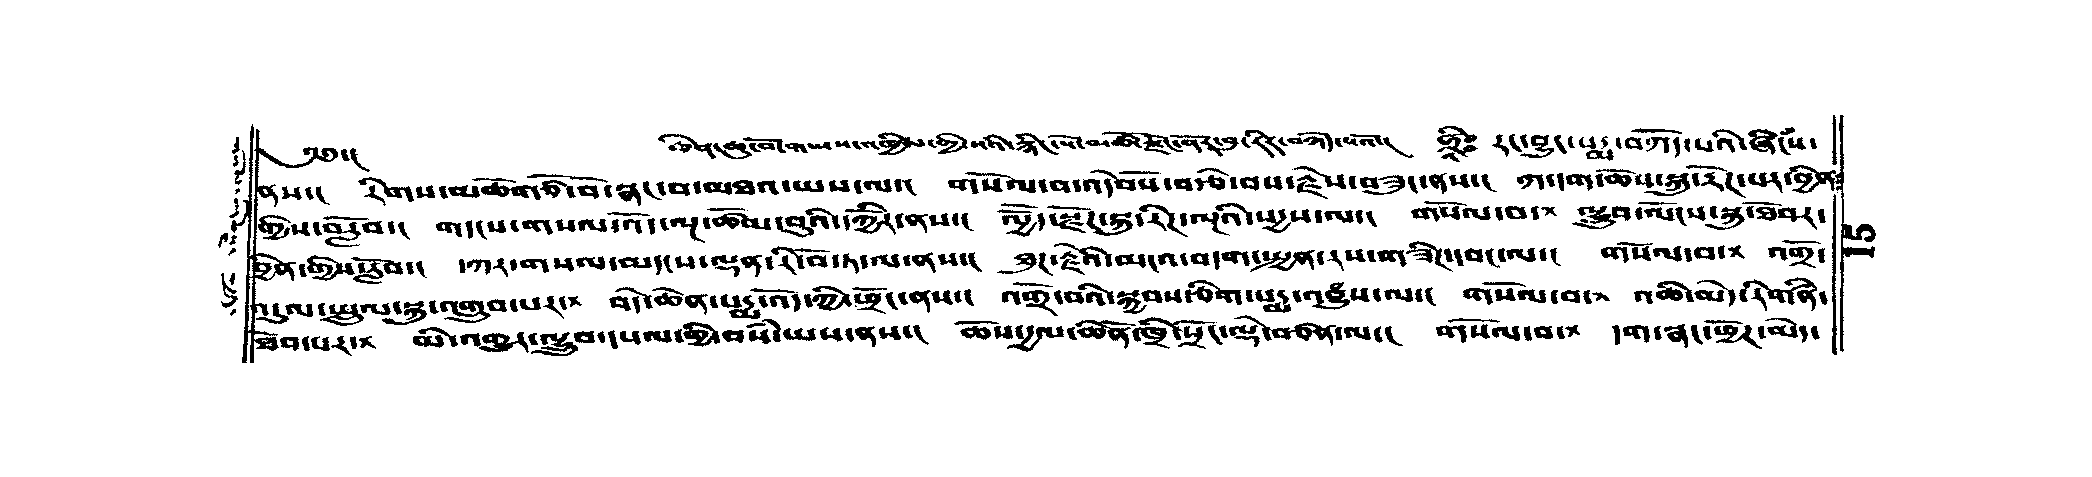ཆེན་ཆུ་བོ་གཡས་འཁྱིལ་གྱི་སའི་སྙིང་པོ་མཚོ་རྫོང་ནོར་བུ་རིར་བཀོད་པའོ། ཧྲཱིཿ རང་བྱུང་པདྨ་བཀོད་པའི་ཞིང་ཁམས་
ནས། །རིགས་མཆོག་གཙོ་བོ་སྣང་བ་མཐའ་ཡས་ལ། །གསོལ་བ་འདེབས་སོ་བརྩེ་བས་རྗེས་བཟུང་ནས། །ཀ་དག་ཆོས་སྐུ་རྟོགས་པར་བྱིན་
གྱིས་རློབས། །གདངས་གསལ་འོད་ལྔ་ཚོམ་བུའི་དཀྱིལ་འཁོར་ནས། །ལོངས་སྤྱོད་རྫོགས་སྐུ་རིགས་ལྔའི་སངས་རྒྱས་ལ། །གསོལ་བ༴ ལྷུན་གྲུབ་ལོངས་སྐུ་ཐོབ་པར་
བྱིན་གྱིས་རློབ། །དཀར་གསལ་མདང་ལྡན་རིན་བོ་ཏ་ལ་ནས། །ཐུགས་རྗེའི་མངའ་བདག་སྤྱན་རས་གཟིགས་དབང་ལ། །གསོལ་བ༴ །འགྲོ་
འདུལ་སྤྲུལ་སྐུ་གྲུབ་པར༴ བདེ་ཆེན་པདྨ་འོད་ཀྱི་ཕོ་བྲང་ནས། །འགྲོ་བའི་སྐྱབས་ཅིག་པདྨ་འབྱུང་གནས་ལ། གསོལ་བ༴ །འཆི་མེད་རིག་འཛིན་
ཐོབ་པར༴ །མི་འགྱུར་ལྷུན་གྲུབ་དཔལ་གྱི་བསམ་ཡས་ནས། །ཆོས་རྒྱལ་ཆེན་པོ་ཁྲི་སྲོང་ལྡེ་བཙན་ལ། གསོལ་བ༴ །དག་སྣང་ཕྱོགས་མེད་